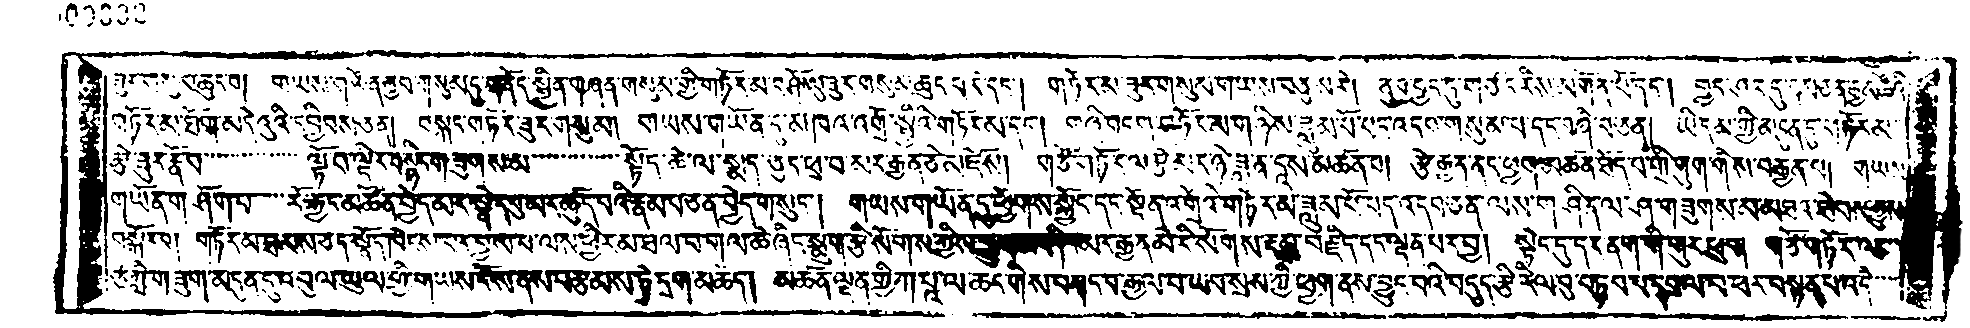ཟུར་གསུམ་ཆུང་བ། གཡས་གཡོན་རྒྱབ་གསུམ་དུ་གནོད་སྦྱིན་གཞན་གསུམ་གྱི་གཏོར་མ་བཤོས་བུ་ཟུར་གསུམ་ཆུང་བ་རེ་དང་། གཏོར་མ་ཟུར་གསུམ་གཡས་བཅུས་རེ། ནུབ་བྱང་དུ་གཙང་རིས་མགོན་པོ་དང་། བྱང་ཤར་དུ་དམ་ཅན་རྒྱ་མཚོའི་
གཏོར་མ་ཐོག་མདེའུའི་དབྱིབས་ཅན། བསྐང་གཏོར་ཟུར་གསུམ། གཡས་གཡོན་དུ་མཁའ་འགྲོ་སྤྱིའི་གཏོར་མ་དང་། གཞི་བདག་གཏོར་མ་གཉིས་ཟླུམ་པོ་པད་འདབ་གསུམ་པ་དང་བཞི་བ་ཅན། ཡི་དམ་གྱི་མདུན་དུ་གཏོར་མ་
རྩེ་ཟུར་རྣོ་བ་ལྟོ་བ་ལྡིར་བ་སྙིང་གཟུགས་མ་སྟོད་ཆེ་ལ་སྨད་ཅུང་ཕྲ་བ་མར་རྒྱན་ཅི་མཛེས། གཙོ་གཏོར་ལ་རྩེ་མོར་ཉི་ཟླ་ན་དཱས་མཚན་པ། རྩེ་རྒྱན་ནང་ཕྱག་མཚན་ཐོད་པ་གྲི་གུག་གིས་བརྒྱན་པ། གཡས་
གཡོན་གཤོག་པ་རོ་རྐྱང་མཚོན་བྱེད་མར་སྣེ་དབུ་མར་ཚུད་པའི་རྣམ་པ་ཅན་བྱེད་གསུང་། གཡས་གཡོན་དུ་ཕྱོགས་སྐྱོང་དང་སྔོན་འགྲོའི་གཏོར་མ་ཟླུམ་པོ་པད་འདབ་ཅན་ལས་གཤིན་ལ་ཤ་གཟུགས་མ་མཐའ་ཐེབས་ཀྱུས་
བསྐོར་བ། གཏོར་མ་ཐམས་ཅད་སྣོད་ཁེངས་པར་བྱས་པ་ལས་ཕྱིར་མ་ཐལ་བ་གལ་ཆེ་ཞིང་སྨུག་རྩི་སོགས་ཀྱིས་བྱུགས་ཤིང་མར་རྒྱན་མེ་རི་སོགས་རྔམས་བརྗིད་དང་ལྡན་པར་བྱ། སྟེང་དུ་དར་ནག་གི་གུར་ཕུབ། གཙོ་གཏོར་ལ་
ཙཀླི་གཟུག་མདུན་དུ་འབུལ་ཡུལ་གྱི་གཡས་ངོས་ནས་བརྩམས་ཏེ་དྲག་མཆོད། མཚན་ལྡན་གྱི་ཀ་པཱ་ལ་ཆང་གིས་བཀང་བ་རྒྱལ་བ་ཡབ་སྲས་ཀྱི་ཕྱག་ནས་བྱུང་བའི་བདུད་རྩི་རིལ་བུ་བཏབ་པ་དཔྲལ་བ་ཕར་བསྟན་པ་འདི་